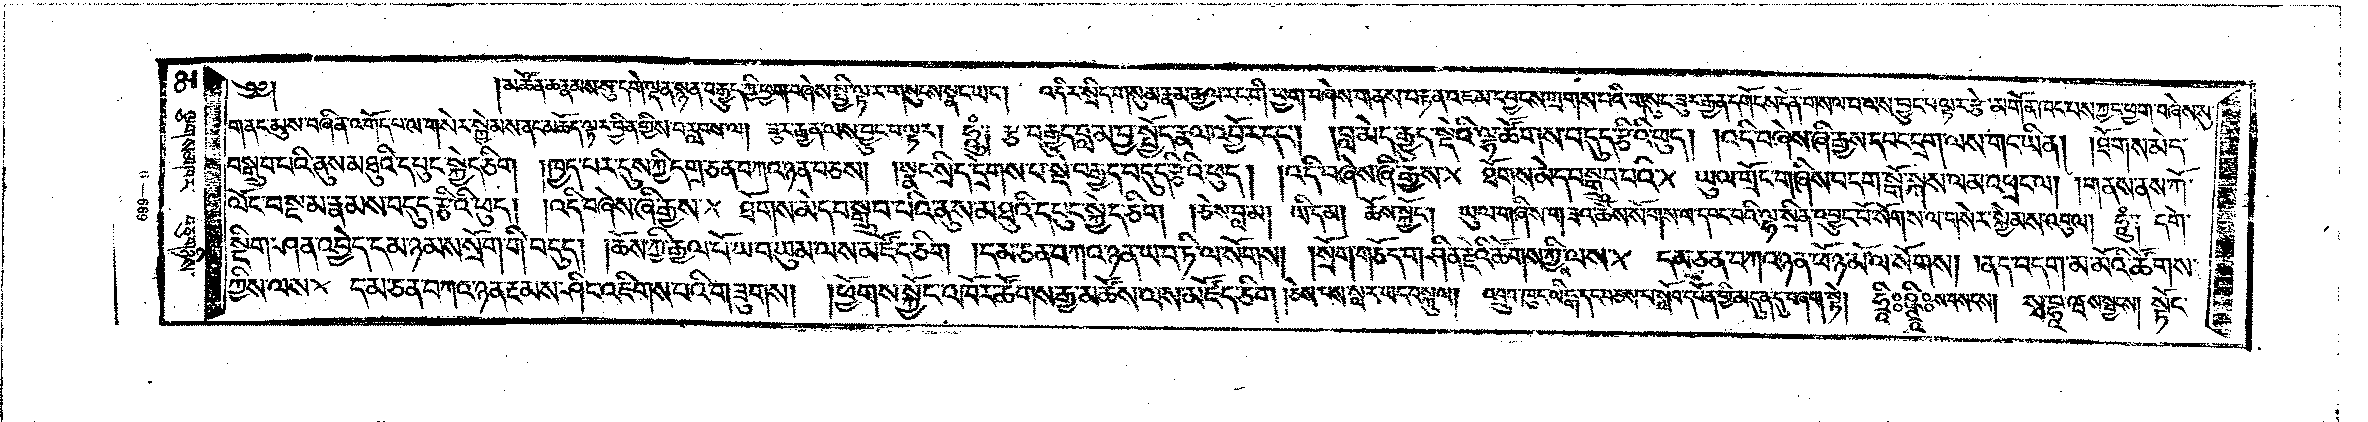༄༅། །མཚོན་ཆ་རྣམས་སུ་དགེ་ལྡན་སྙན་བརྒྱུད་ཀྱི་ཕྱག་བཞེས་སྤྱི་ལྟར་གསུངས་སྣང་ཡང་། འདིར་སྲིད་གསུམ་རྣམ་རྒྱལ་རང་གི་ཕྱག་བཞེས་གནས་བརྟན་འཇམ་དབྱངས་གྲགས་པའི་གསུང་ཟུར་རྒྱན་དགོངས་དོན་གསལ་བ་ལས་བྱུང་བ་ལར་རྩེ་མགོན་ཁང་པས་ཀྱང་ཕྱག་བཞེས་སུ་
གནང་མུས་བཞིན་འགོད་པ་ལ་གསེར་སྐྱེམས་ནང་མཆོད་ལྟར་བྱིན་གྱིས་བརླབས་ལ། ཟུར་རྒྱན་ལས་བྱུང་བ་ལྟར། ཧཱུཾ༑ རྩ་བརྒྱུད་བླ་མ་བྱ་སྤྱོད་རྣལ་འབྱོར་དང་། །བླ་མེད་རྒྱུད་སྡེའི་ལྷ་ཚོགས་བདུད་རྩིའི་ཕུད། །འདི་བཞེས་ཞི་རྒྱས་དབང་དྲག་ལས་གང་ཡིན། །ཐོགས་མེད་
བསྒྲུབ་པའི་ནུས་མཐུའི་དཔུང་སྐྱེད་ཅིག །ཁྱད་པར་དུས་ཀྱི་དགྲ་ཅན་བཀའ་ཉན་བཅས། །སྣང་སྲིད་དྲེགས་པ་སྡེ་བརྒྱད་བདུད་རྩིའི་ཕུད། །འདི་བཞེས་ཞི་རྒྱས་྾་ཐོགས་མེད་བསྒྲུབ་པའི་྾་ཡུལ་གྲོང་གཞིས་བདག་སྒོ་སྐས་ལམ་འཕྲང་ལ། །གནས་ནས་ཀོ་
ལོང་བསྔ་མ་རྣམས་བདུད་རྩིའི་ཕུད། །འདི་བཞེས་ཞི་རྒྱས྾་ཐོགས་མེད་བསྒྲུབ་པའི་ནུས་མཐུའི་དཔུང་སྐྱེད་ཅིག་།ཅེས་བླ་མ། ཡི་དམ། ཆོས་སྐྱོང་། ཡུལ་གཞིས་གཟའ་ཆོས་སོགས་ལ་དབང་བའི་ལྷ་སྲིན་འབྱུང་བོ་སོག་ལ་གསེར་སྐྱེམས་འབུལ༑ ཧཱུཾ།  དགེ་
སྡིག་ཤན་འབྱེད་དང་ཉམས་སྲོག་གི་བདུད། །ཆོས་ཀྱི་རྒྱལ་པོ་ཡབ་ཡུམ་ལས་མཛོད་ཅིག །དམ་ཅ་བཀའ་ཉན་ཡ་བ་ཏི་ལ་སོགས། །སྲོག་གཅོད་གཤིན་རྗེའི་ཚོགས་ཀྱིས་ལས྾་དམ་ཅན་བཀའ་ཉན་ཕོ་ཉ་མོ་ལ་སོགས། །ནད་བདག་མ་མོའི་ཚོགས་
ཀྱིས་ལས་྾་དམ་ཅན་བཀའ་ཉན་རྔམས་ཤིང་འཇིགས་པའི་གཟུགས། །ཕྱོགས་སྐྱོང་འཁོར་ཚོགས་རྒྱ་མཚོས་ལས་མཛོད་ཅིག །ཅེས་པས་སླར་ཡང་བསྐུལ། འབྲུབ་ཁུང་ལིངྒ་དང་བཅས་པ་སློབ་དཔོན་གྱི་མདུན་དུ་བཞག་སྟེ། ཧྲཱིཿཥྚཱི་ས་སངས། སྭ་བྷཱ་ཝས་སྦྱངས། སྟོང་